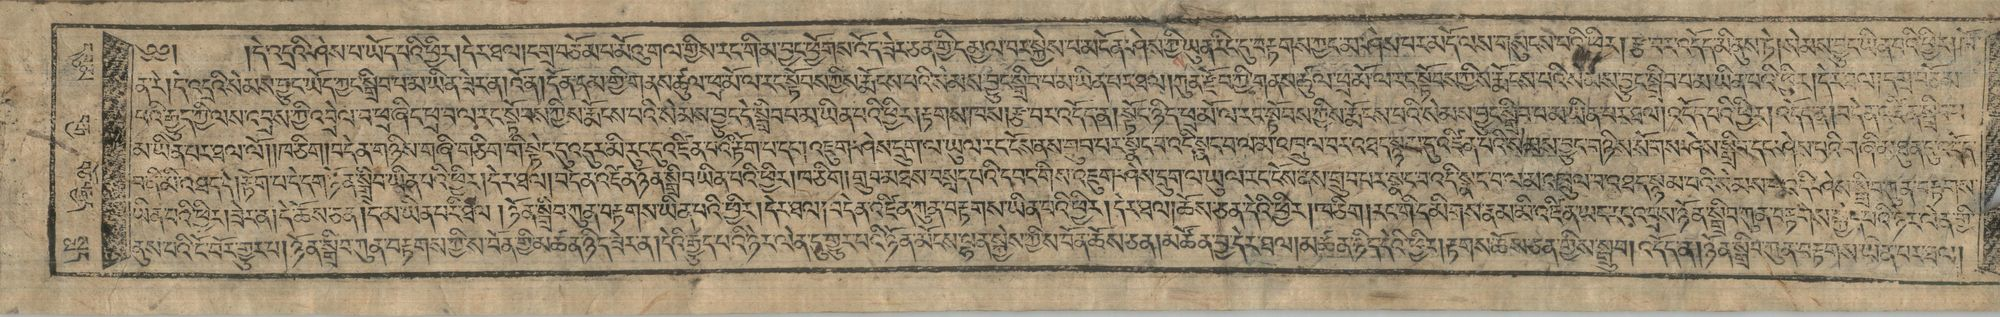༄༅། །དེ་འདྲའི་ཤེས་པ་ཡོད་པའི་ཕྱིར། དེར་ཐལ། དགྲ་བཅོམ་པ་མོའུགལ་གྱིས་རང་གི་མ་བྱང་ཕྱོགས་འོད་ཟེར་ཅན་གྱི་དམྱལ་བར་སྐྱེས་པ་མངོན་ཤེས་ཀྱི་ཡུན་རིང་དུ་བརྟགས་ཀྱང་མ་ཤེས་པར་མདོ་ལས་གསུངས་པའི་ཕྱིར། རྩ་བར་འདོད་མི་ནུས་ཏེ། སེམས་བྱུང་ཡིན་པའི་ཕྱིར། ཁོ་
ན་རེ། དེ་འདྲའི་སེམས་བྱུང་ཡོད་ཀྱང་སྒྲིབ་པ་མ་ཡིན་ཟེར་ན། འོ་ན། དོན་དམ་གྱི་གནས་ཚུལ་ཕྲ་མོ་ལ་རང་སྟོབས་ཀྱིས་རྨོངས་པའི་སེམས་བྱུང་སྒྲིབ་པ་མ་ཡིན་པར་ཐལ། ཀུན་རྫོབ་ཀྱི་གནས་ཚུལ་ཕྲ་མོ་ལ་རང་སྟོབས་ཀྱིས་རྨོངས་པའི་སེམས་བྱུང་སྒྲིབ་པ་མ་ཡིན་པའི་ཕྱིར། དེར་ཐལ། དགྲ་བཅོམ་
པའི་རྒྱུད་ཀྱི་ལས་འབྲས་ཀྱི་འབྲེལ་བ་ཕྲ་ཞིང་ཕྲ་བ་ལ་རང་སྟོབས་ཀྱིས་རྨོངས་པའི་སེམས་བྱུང་དེ་སྒྲིབ་པ་མ་ཡིན་པའི་ཕྱིར། རྟགས་ཁས། རྩ་བར་འདོད་ན། སྟོང་ཉིད་ཕྲ་མོ་ལ་རང་སྟོབས་ཀྱིས་རྨོངས་པའི་སེམས་བྱུང་སྒྲིབ་པ་མ་ཡིན་པར་ཐལ། འདོད་པའི་ཕྱིར། འདོད་ན། བདེན་འཛིན་སྒྲིབ་པ་
མ་ཡིན་པར་ཐལ་ལོ། །ཁ་ཅིག །བདེན་གཉིས་གཞི་གཅིག་གི་སྟེང་དུ་འདུརྨི་རུང་དུ་འཛིན་པའི་རྟོག་པ་དང་། འཇུག་ཤེས་དྲུག་ལ་ཡུལ་རང་ངོས་ནས་གྲུབ་པར་སྣང་བ་འདི་སྣང་བ་ལ་མ་འཁྲུལ་བར་འཐད་སྙམ་དུ་འཛིན་པའི་སེམས་བྱུང་གཉིས་སོགས་ཤེས་སྒྲིབ་དང་ཤེས་པའི་གཞི་མཐུན་དུ་འདོད་
པ་ནི་མི་འཐད་དེ། རྟོག་པ་དེ་དག་ཉོན་སྒྲིབ་ཡིན་པའི་ཕྱིར། དེར་ཐལ། བདེན་འཛིན་ཉོན་སྒྲིབ་ཡིན་པའི་ཕྱིར། ཁ་ཅིག །གྲུབ་མཐས་བསླད་པའི་དབང་གིས་འཇུག་ཤེས་དྲུག་ལ་ཡུལ་རང་ངོས་ནས་གྲུབ་པར་སྣང་བ་འདི་སྣང་བ་ལ་མ་འཁྲུལ་བ་འཐད་སྙམ་པའི་སེམས་པ་འདི་ཤེས་སྒྲིབ་ཀུན་བརྟགས་
ཡིན་པའི་ཕྱིར། ཟེར་ན། དེ་ཆོས་ཅན། དེ་མ་ཡིན་པར་ཐལ། ཉོན་སྒྲིབ་ཀུན་བརྟགས་ཡིན་པའི་ཕྱིར། དེར་ཐལ། བདེན་འཛིན་ཀུན་བརྟགས་ཡིན་པའི་ཕྱིར། དེར་ཐལ། ཆོས་ཅན་དེའི་ཕྱིར། ཁ་ཅིག །རང་གི་དམིགས་རྣམ་མི་འཛིན་ཡང་རང་འབྲས་ཉོན་སྒྲིབ་ཀུན་བརྟགས་སྐྱེད་པའི་ཉེར་ལེན་གྱི་
ནུས་པའི་ངོ་བོར་གྱུར་པ། ཉོན་སྒྲིབ་ཀུན་བརྟགས་ཀྱི་ས་བོན་གྱི་མཚན་ཉིད་ཟེར་ན། དེའི་རྒྱུད་པའི་ཉེར་ལེན་དུ་གྱུར་པའི་ཉོན་མོངས་ལྷན་སྐྱེས་ཀྱི་ས་བོན་ཆོས་ཅན། མཚོན་བྱ་དེར་ཐལ། མཚན་ཉིད་དེའི་ཕྱིར། རྟགས་ཆོས་ཅན་གྱིས་སྒྲུབ། འདོད་ན། ཉོན་སྒྲིབ་ཀུན་བརྟགས་ཡིན་པར་ཐལ།